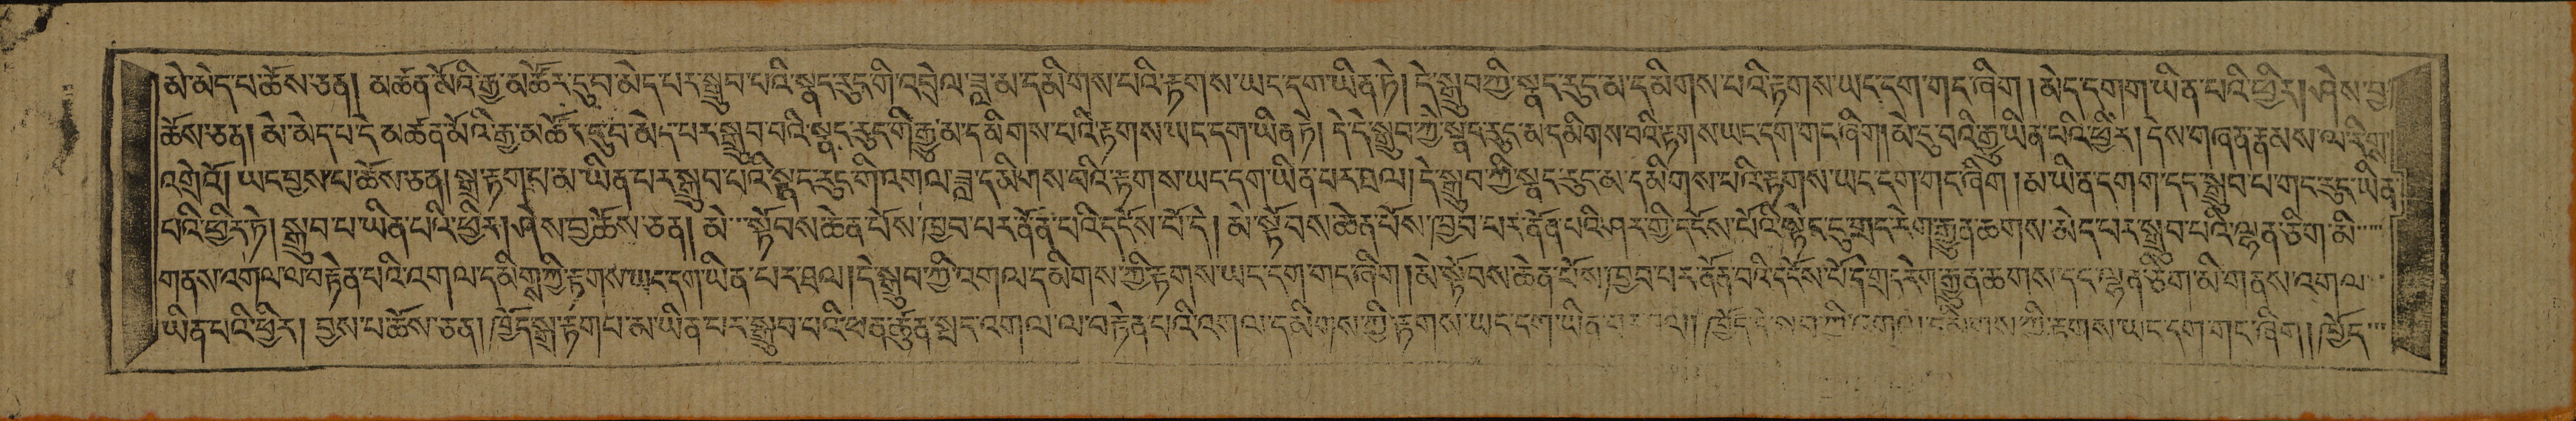མེ་མེད་པ་ཆོས་ཅན། མཚན་མོའི་རྒྱ་མཚོར་དུ་བ་མེད་པར་སྒྲུབ་པའི་སྣང་རུང་གི་འབྲེལ་ཟླ་མ་དམིགས་པའི་རྟགས་ཡང་དག་ཡིན་ཏེ། དེ་སྒྲུབ་ཀྱི་སྣང་རུང་མ་དམིགས་པའི་རྟགས་ཡང་དག་གང་ཞིག །མེད་དགག་ཡིན་པའི་ཕྱིར། ཤེས་བྱ་
ཆོས་ཅན། མེ་མེད་པ་དེ་མཚན་མོའི་རྒྱ་མཚོར་དུ་བ་མེད་པར་སྒྲུབ་པའི་སྣང་རུང་གི་རྒྱུ་མ་དམིགས་པའི་རྟགས་ཡང་དག་ཡིན་ཏེ། དེ་དེ་སྒྲུབ་ཀྱི་སྣང་རུང་མ་དམིགས་པའི་རྟགས་ཡང་དག་གང་ཞིག །མེ་དུ་བའི་རྒྱུ་ཡིན་པའི་ཕྱིར། དེས་གཞན་རྣམས་ལ་རིགས་
འགྲེའོ། ཡང་བྱས་པ་ཆོས་ཅན། སྒྲ་རྟག་པ་མ་ཡིན་པར་སྒྲུབ་པའི་སྣང་རུང་གི་འགལ་ཟླ་དམིགས་པའི་རྟགས་ཡང་དག་ཡིན་པར་ཐལ། དེ་སྒྲུབ་ཀྱི་སྣང་རུང་མ་དམིགས་པའི་རྟགས་ཡང་དག་གང་ཞིག །མ་ཡིན་དགག་དང་སྒྲུབ་པ་གང་རུང་ཡིན་
པའི་ཕྱིར་ཏེ། སྒྲུབ་པ་ཡིན་པའི་ཕྱིར། ཤེས་བྱ་ཆོས་ཅན། མེ་སྟོབས་ཆེན་པོས་ཁྱབ་པར་ནོན་པའི་དངོས་པོ་དེ། མེ་སྟོབས་ཆེན་པོས་ཁྱབ་པར་ནོན་པའི་ཤར་གྱི་དངོས་པོའི་སྟེང་དུ་གྲང་རེག་རྒྱུན་ཆགས་མེད་པར་སྒྲུབ་པའི་ལྷན་ཅིག་མི་
གནས་འགལ་ལ་བརྟེན་པའི་འགལ་དམིགས་ཀྱི་རྟགས་ཡང་དག་ཡིན་པར་ཐལ། དེ་སྒྲུབ་ཀྱི་འགལ་དམིགས་ཀྱི་རྟགས་ཡང་དག་གང་ཞིག །མེ་སྟོབས་ཆེན་པོས་ཁྱབ་པར་ནོན་པའི་དངོས་པོ་དེ་གྲང་རེག་རྒྱུན་ཆགས་དང་ལྷན་ཅིག་མི་གནས་འགལ་
ཡིན་པའི་ཕྱིར། བྱས་པ་ཆོས་ཅན། ཁྱོད་སྒྲ་རྟག་པ་མ་ཡིན་པར་སྒྲུབ་པའི་ཕན་ཚུན་སྤང་འགལ་ལ་བརྟེན་པའི་འགལ་དམིགས་ཀྱི་རྟགས་ཡང་དག་ཡིན་པར་ཐལ། ཁྱོད་དེ་སྒྲུབ་ཀྱི་འགལ་དམིགས་ཀྱི་རྟགས་ཡང་དག་གང་ཞིག །ཁྱོད་